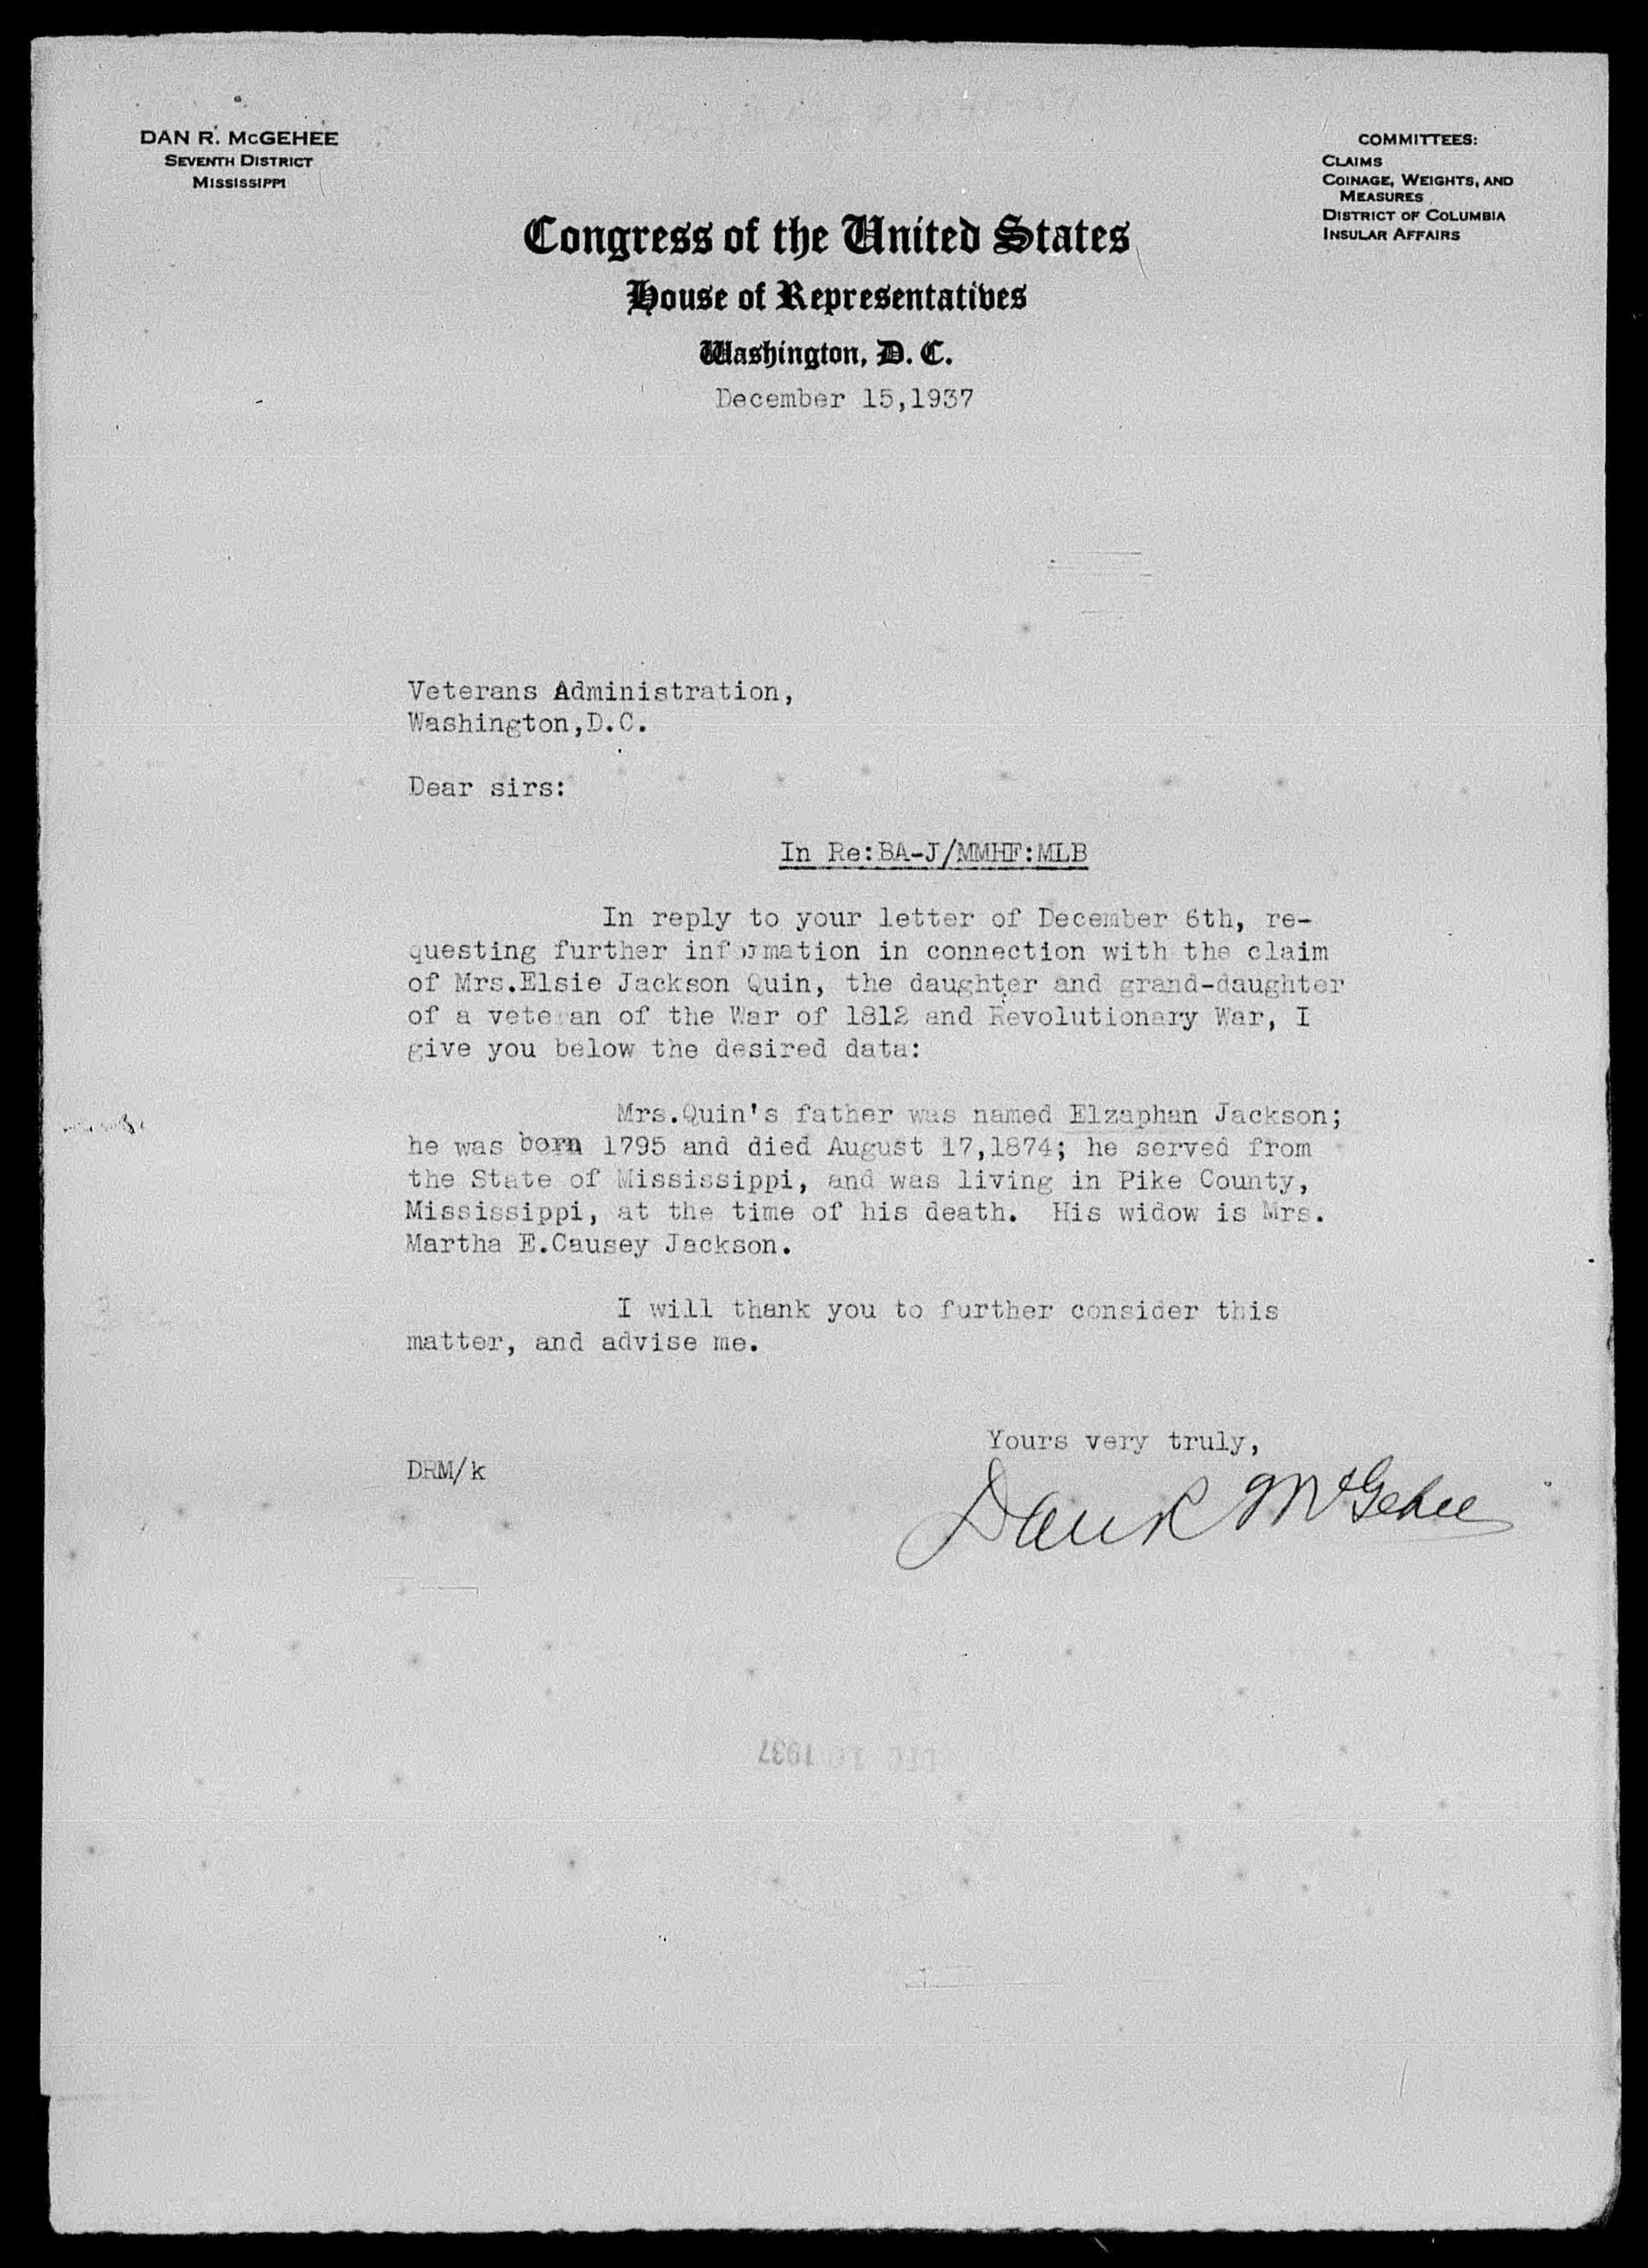Dan R. McGehee
Seventh District
Mississippi

Congress of the United States
house of Representatives
Washington, D.C.
December 15, 1937

Committees:
Claims
Coinage, Weights and Measures
District of Columbia
Insular Affairs

Veterans Administration, 
Washington, D.C.

Dear sirs:

In Re: BA-J/MMHF: MLB

In reply to your letter of December 6th, requesting further information in connection with the claim of Mrs. Elsie Jackson Quin, the daughter and grand-daughter of a veteran of the War of 1812 and Revolutionary War, I give you below the desired data:

Mrs. Quin's father was named Elzaphan Jackson; he was born 1795 and died August 17, 1874; he served from the State of Mississippi, and was living in Pike County, Mississippi, at the time of his death. His widow is Mrs. Martha E. Causey Jackson.

I will thank you to further consider this matter, and advise me.   
Yours very truly,

Dan R. McGehee

DRM/k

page: 29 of 54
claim: survivor's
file: S. 31166, for Thomas Jackson, South Carolina